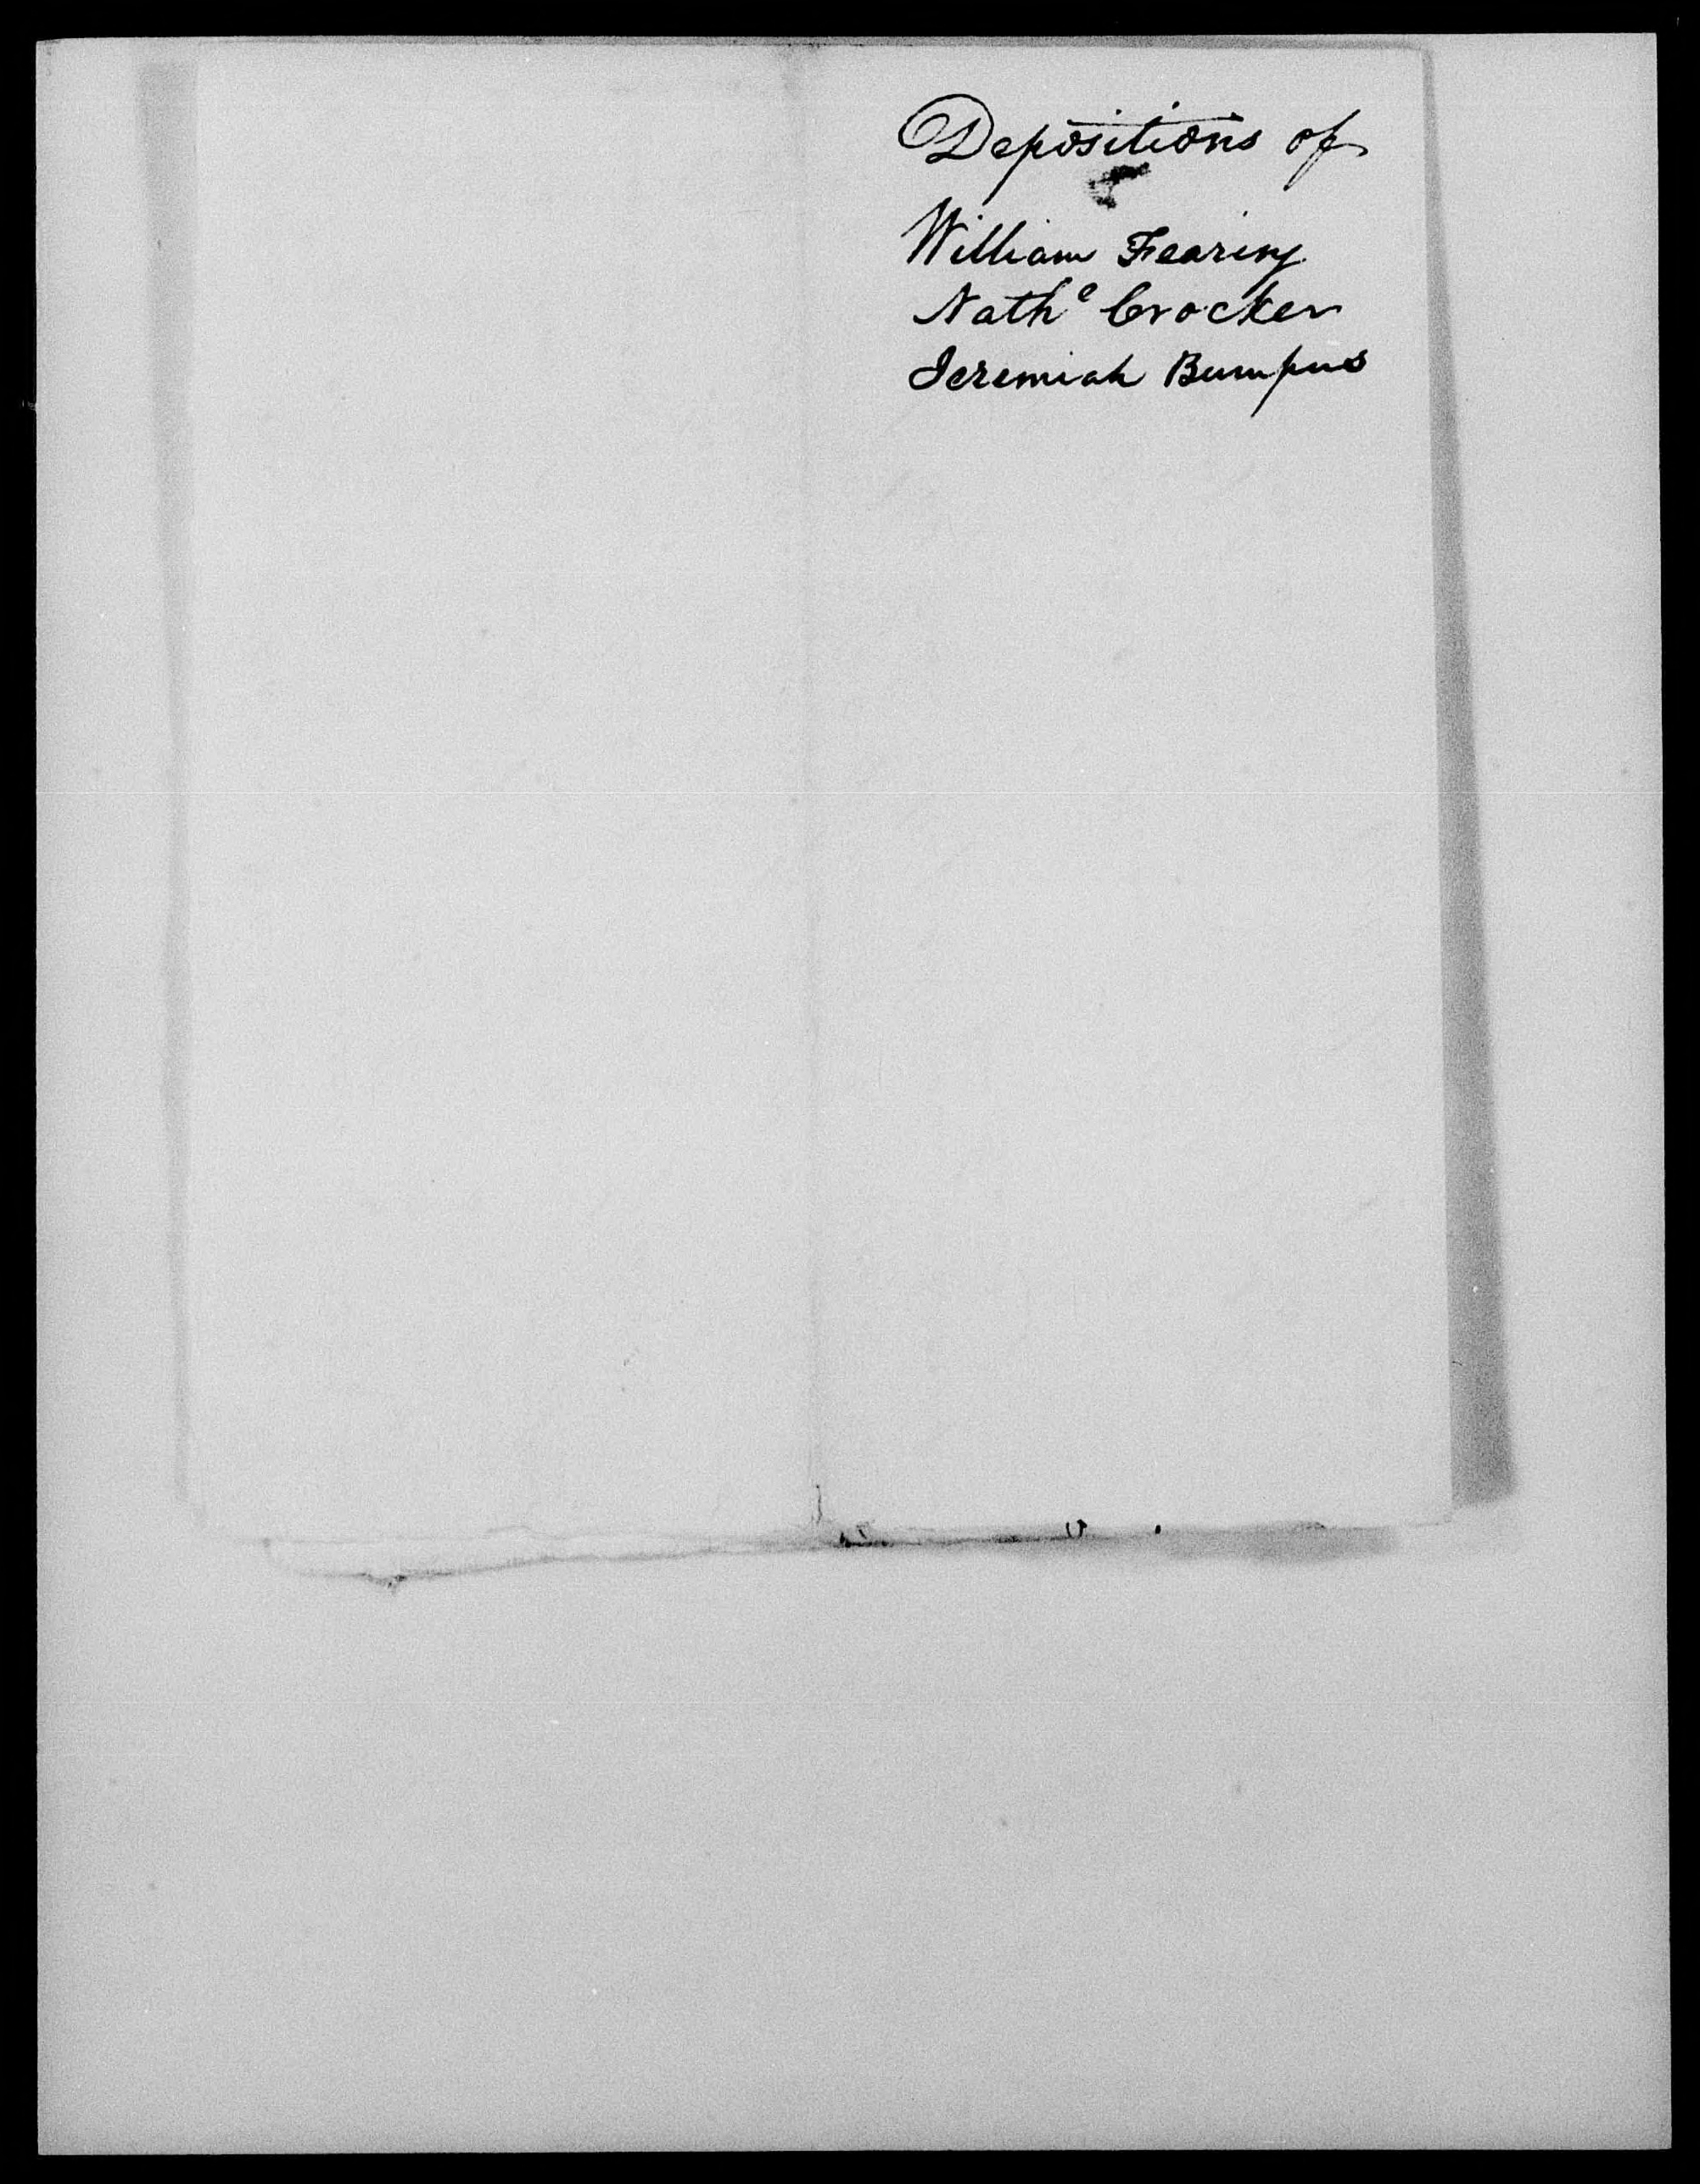Depositions of

William Fearing
Nath'l Crocker
Jerimiah Bumpus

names: Nathl Crocker; William Fearing; Jeremiah Bumpus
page: 74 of 82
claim: widow's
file: W. 13,634, for Rufus Lincoln, Massachusetts